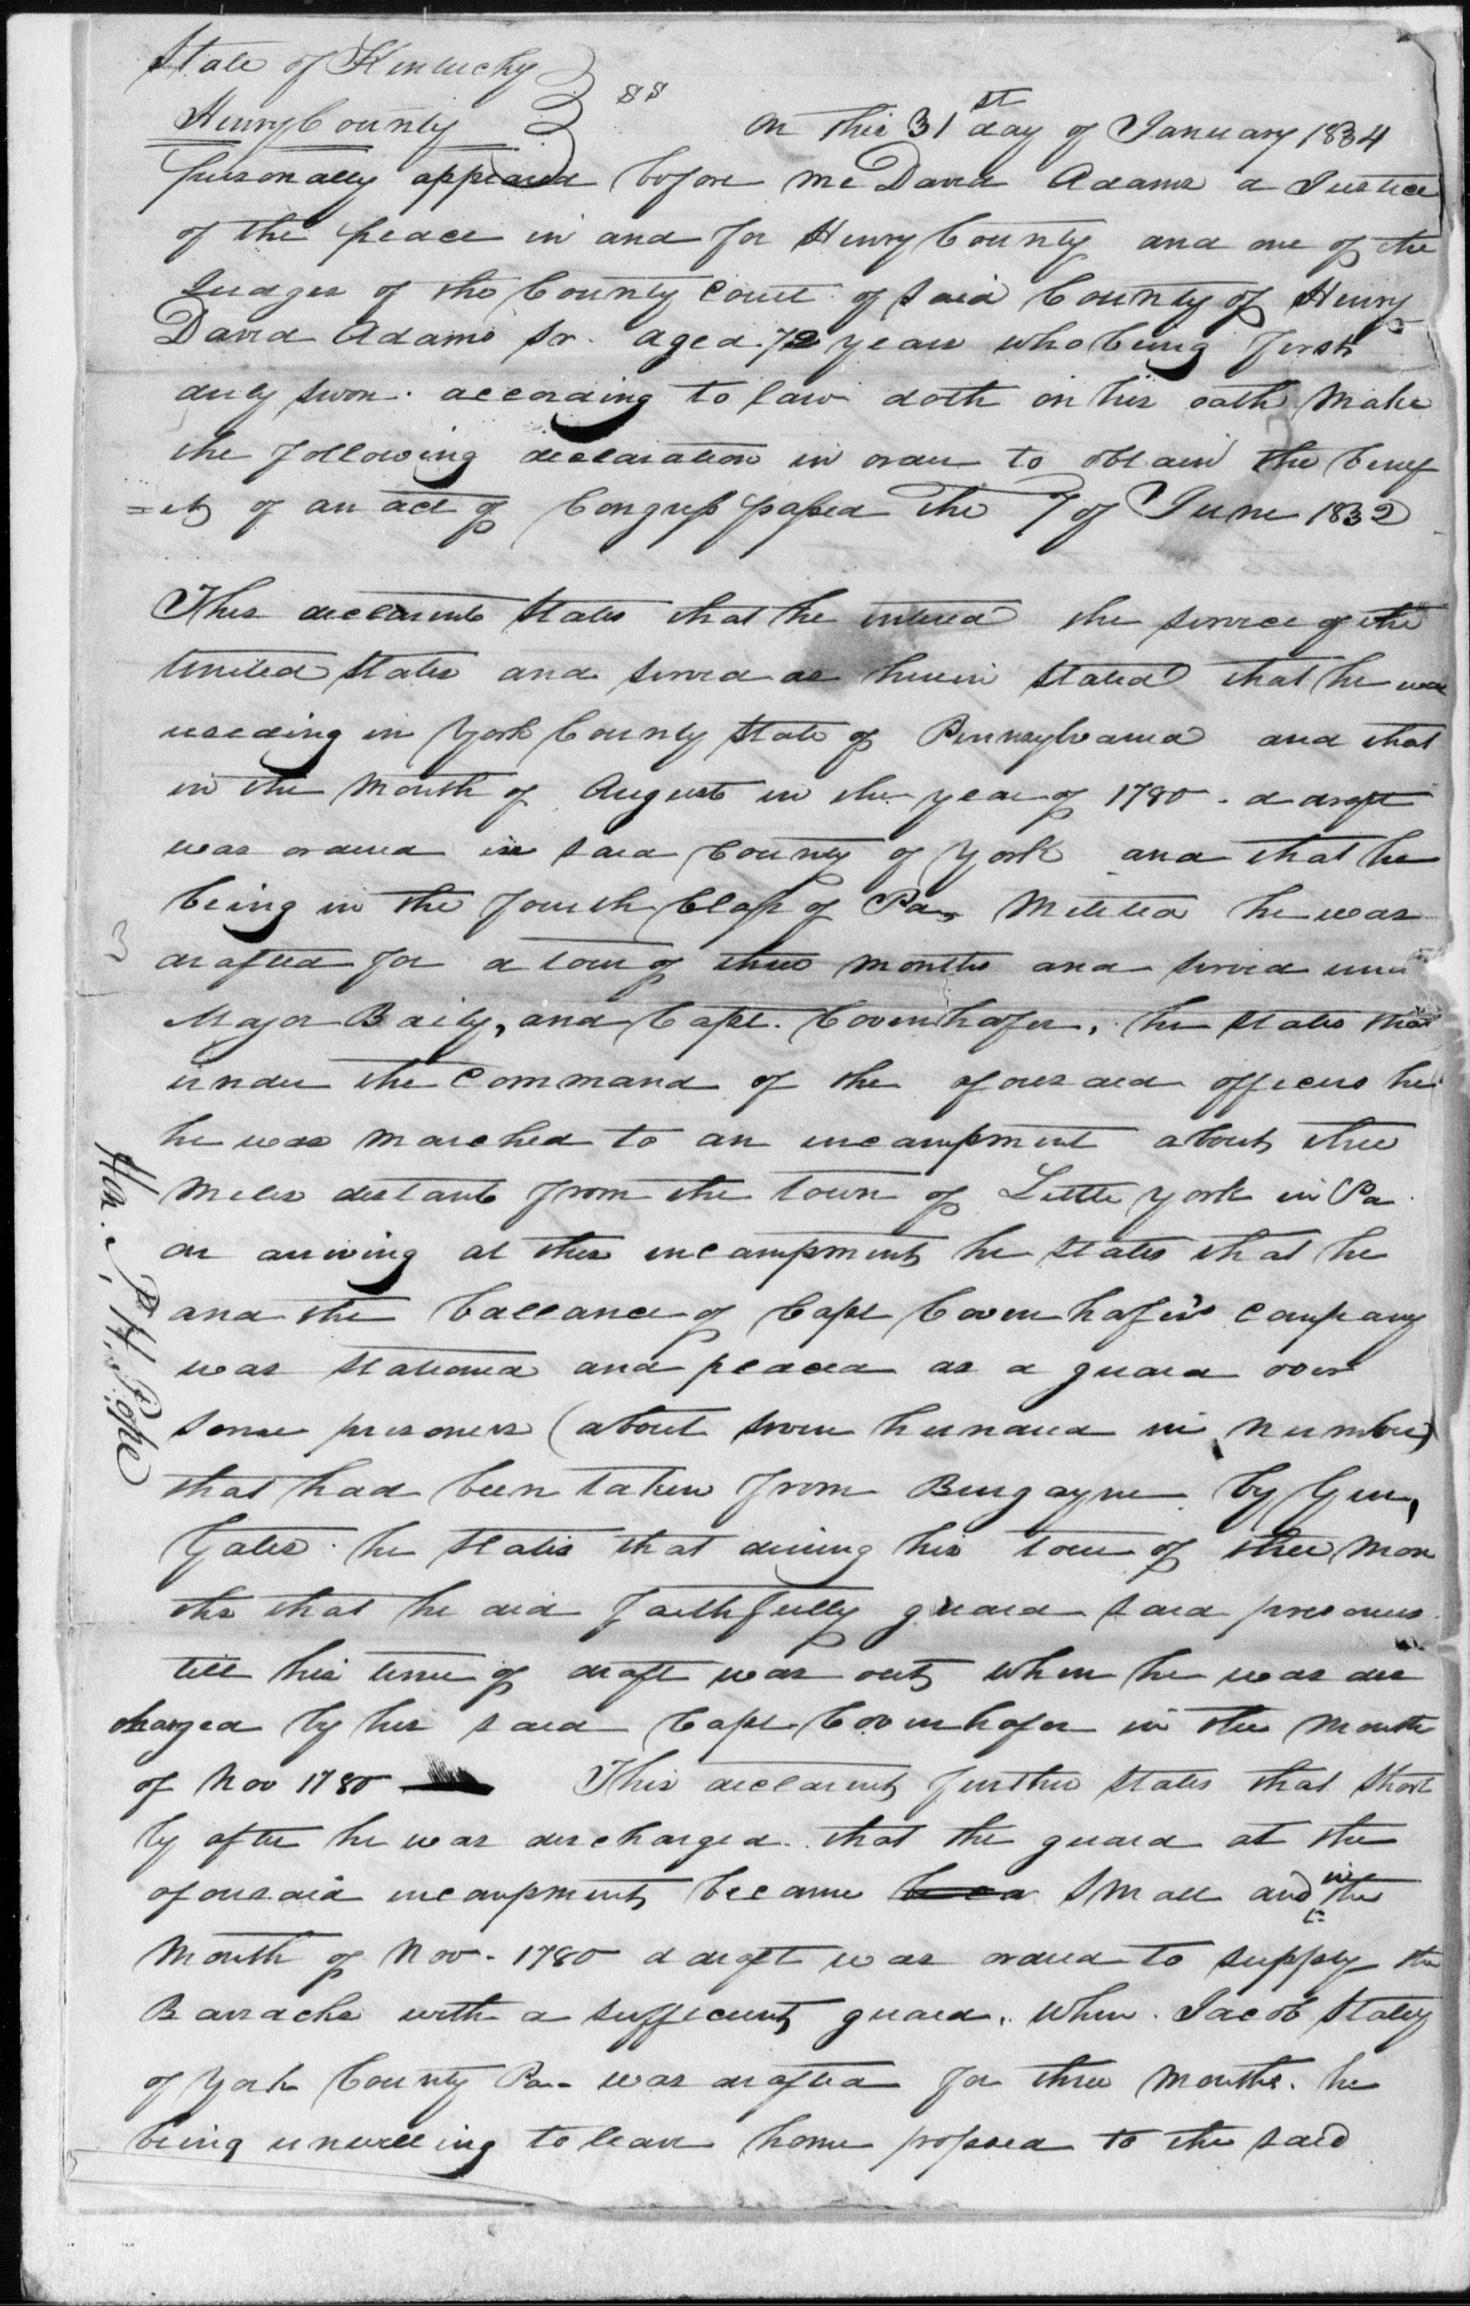[All Handwritten]

State of Kentucky
Henry County
SS

On this 31st day of January 1834
personally appeared before me David Adams a Justice of the peace in and for Henry County and one of the Judges of the County Court of said County of Henry David Adams Sr. aged 72 years who being first duly sworn according to law doth on his oath make the following declaration in order to obtain the benefit of an act of Congress passed the 7 of June 1832

This declarant states that he entered the service of the United States and served as herein stated that he was residing in York County State of Pennsylvania and that
in the month of August in the year of 1780 a draft was ordered in said County of York and that he being in the fourth class of Pay Militia he was drafted for a tour of three months and served und Major Baily, and Capt. Covenhafer, he states that under the command of the aforesaid officers he was marched to an encampment about three miles distant from the town of Little York in Pa on arriving at this encampment he states that he and the ballance  [sic]of Capt Covenhafer's company
was stationed and placed as a guard over
some prisoners (about seven hundred in number)
that had been taken from Burgoyne by Gen,
Gates.

he states that during his tour of three months that he did faithfully guard said prisoners till his time of draft was out when he was discharged by his said Capt Covenhafer in the month of Nov 1780.

This declarant further states that shortly after he was discharged that the guard at the aforesaid encampment became small and in this month of Nov. 1780 a draft was ordered to supply the Barracks with a sufficient guard.  When Jacob Staley of York County Pa. was drafted for three months, he being unwilling to leave home proposed to the said

Hon. P.H. Pope [written vertically in left margin]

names: David Adams, P H Pope, Gates, Baily, David Adams, Covenhafer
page: 3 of 13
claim: survivor's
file: S 30,815, David Adams, Penn.